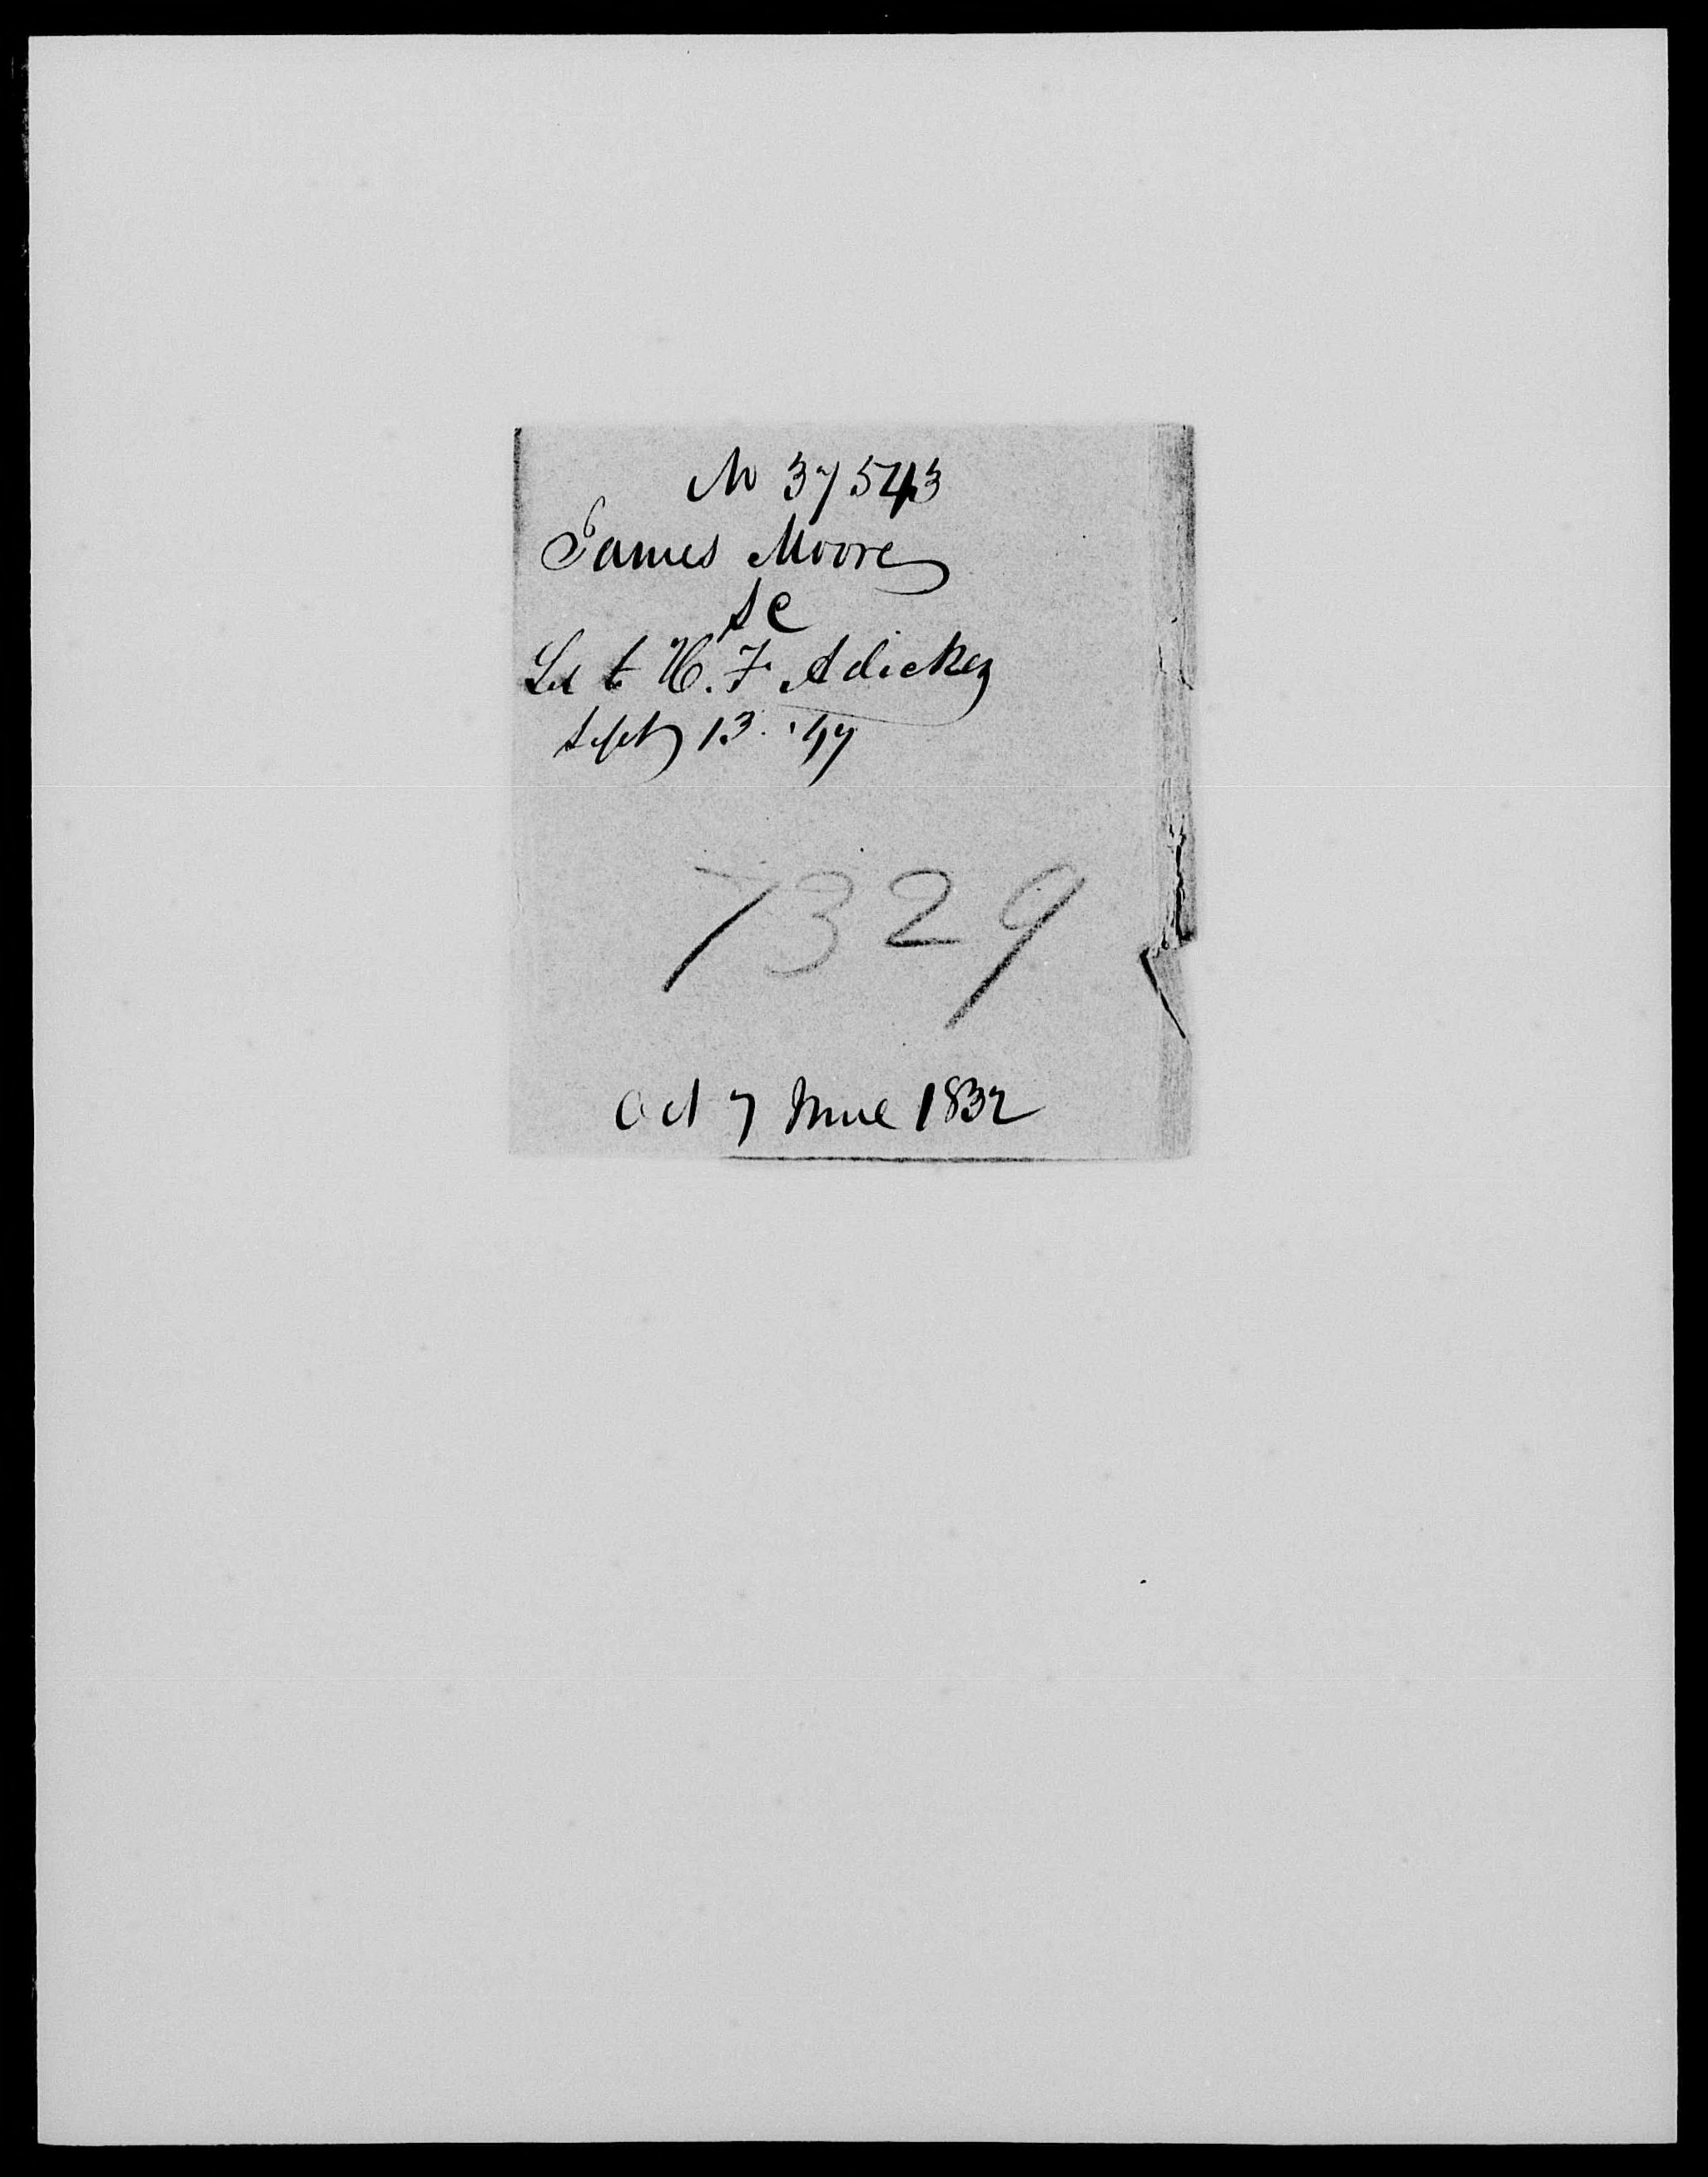No 37543
James Moore
SC
Let to H. F  Adickes
Sept 13. '47

7329

Act 7 June 1832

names: H F Adickes; James Moore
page: 12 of 17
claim: rejected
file: R 7329, for James More, South Carolina